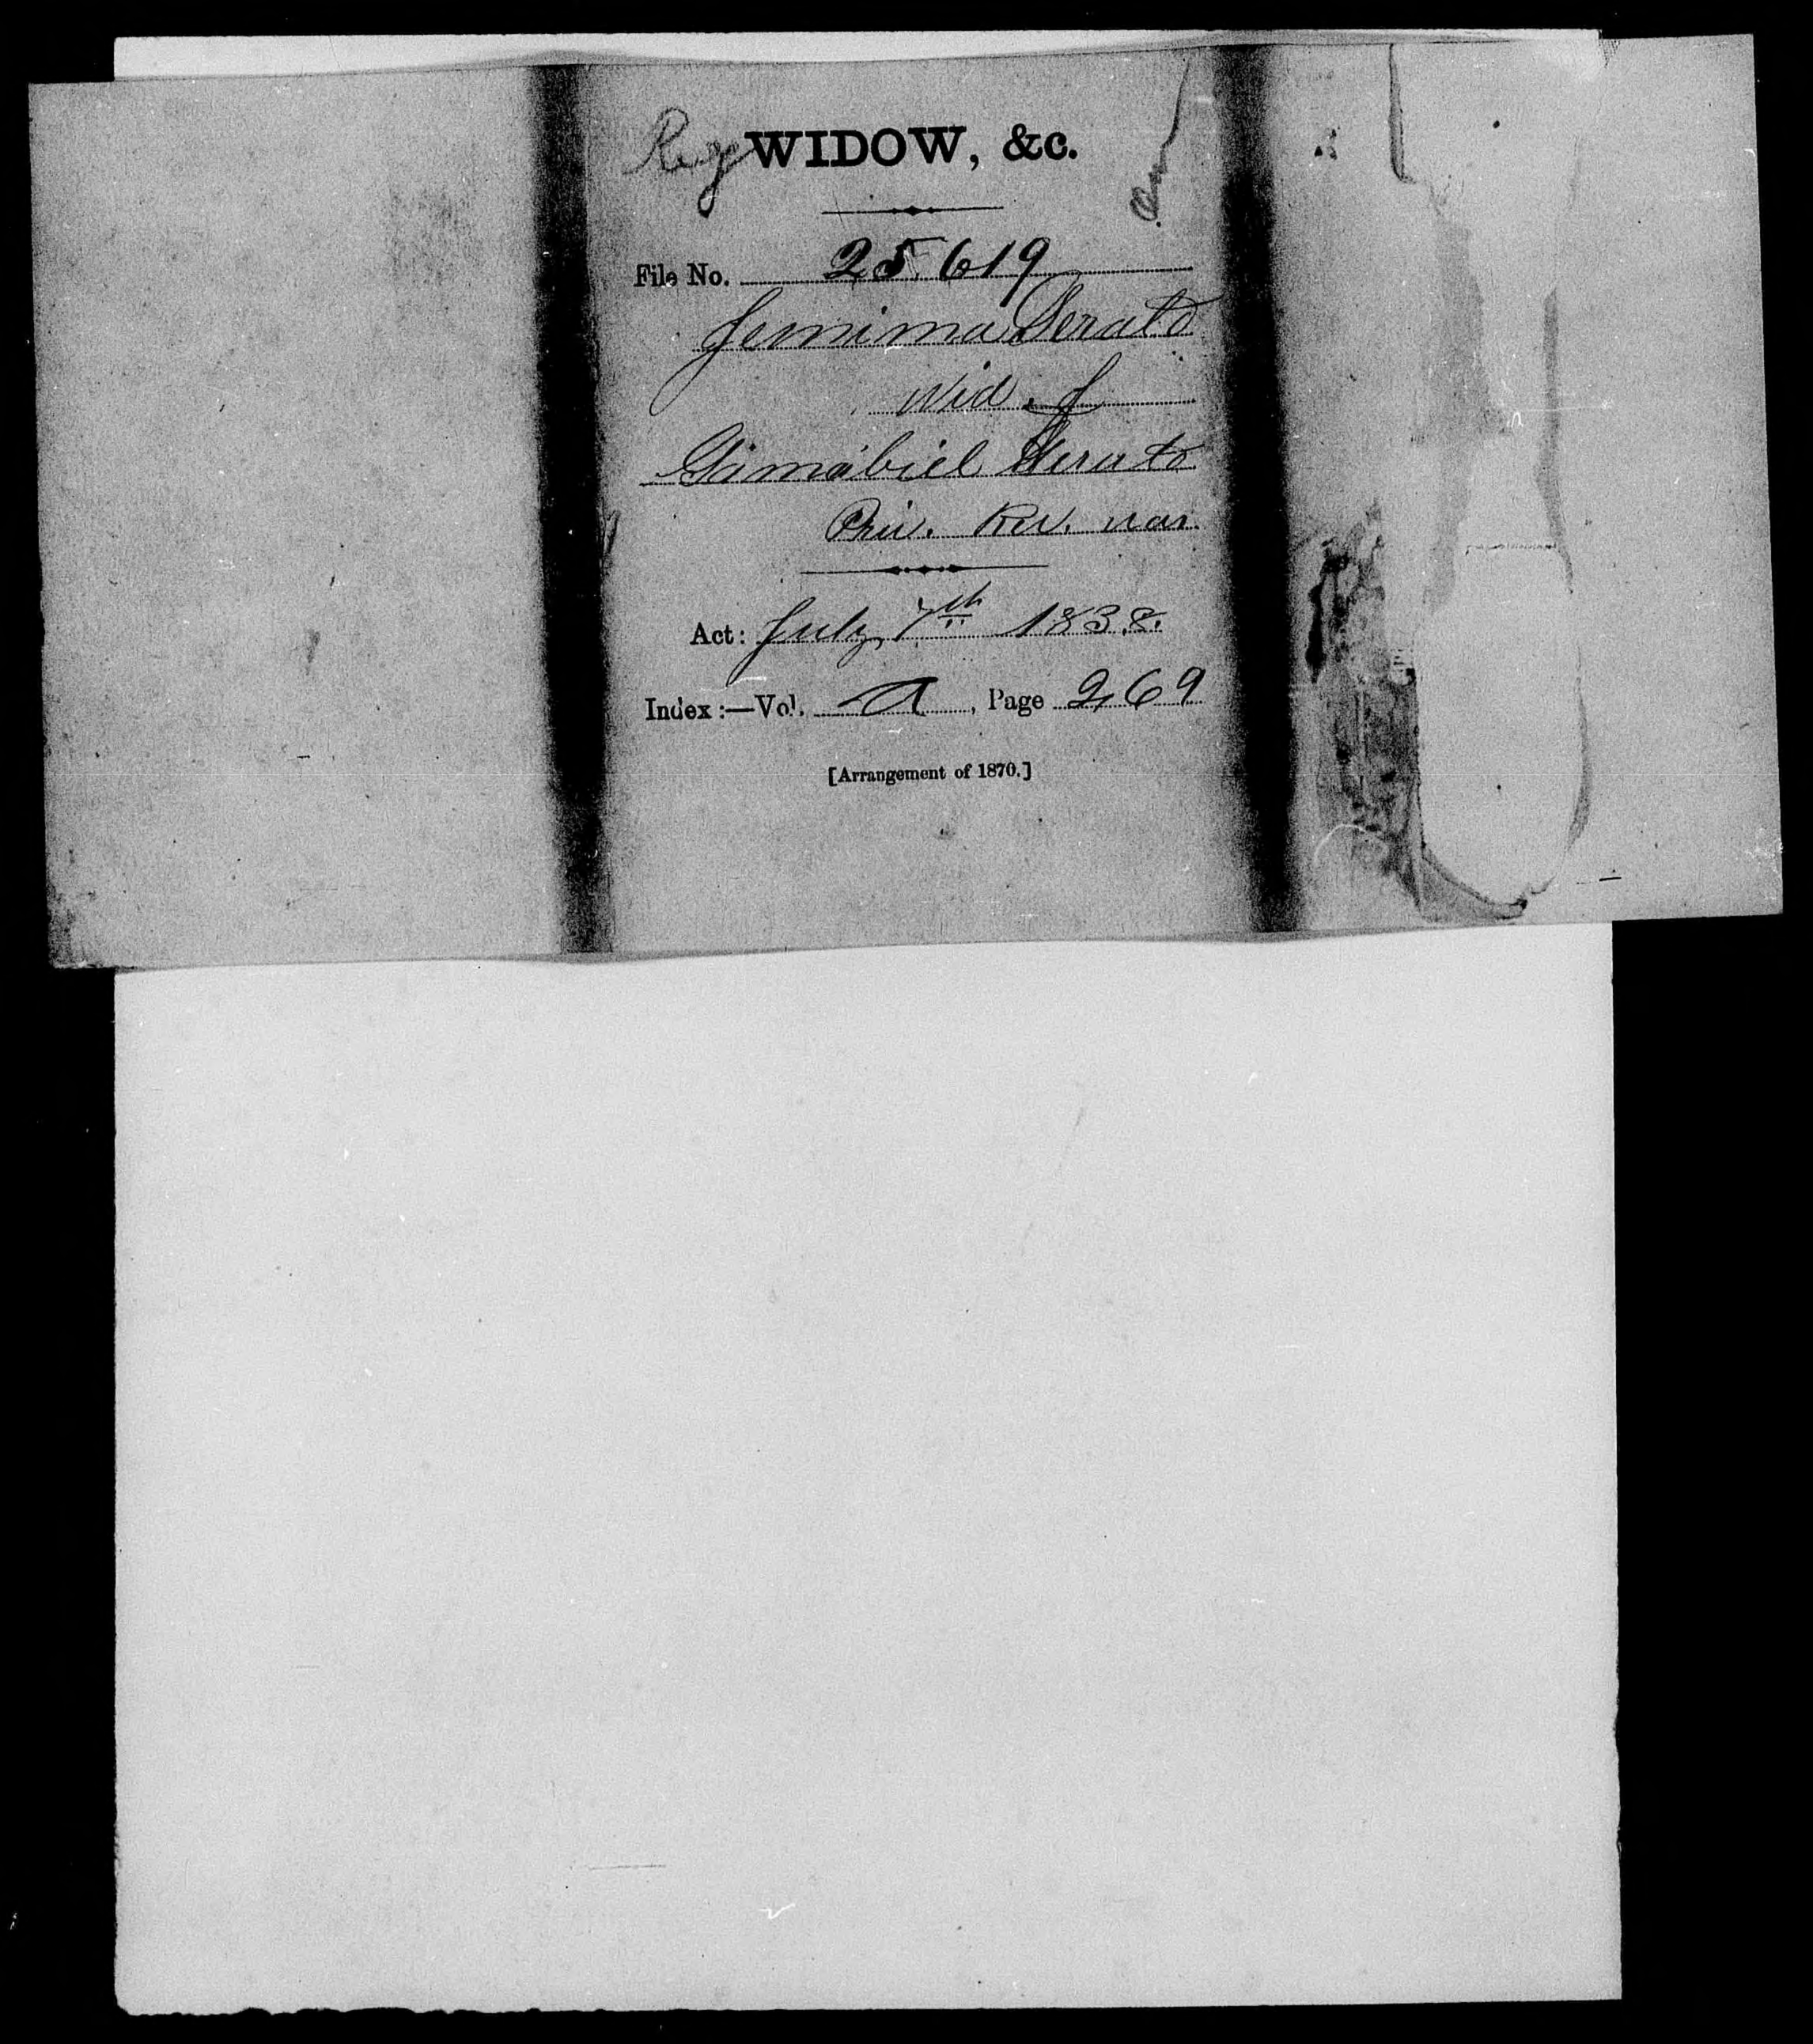Revy WIDOW, &c.
------
File No. 2.619
Jemima Serato
wid of
Gamabiel Serato
Pri. Rev. war
-----
Act: July 7th 1838
Index: -- Vol. A, Page 269

[Arrangement of 1870]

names: Jemima Gerald, Gamabiel Gerald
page: 14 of 26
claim: widow's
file: W. 25619, Gamaliel Gerald, Mass.